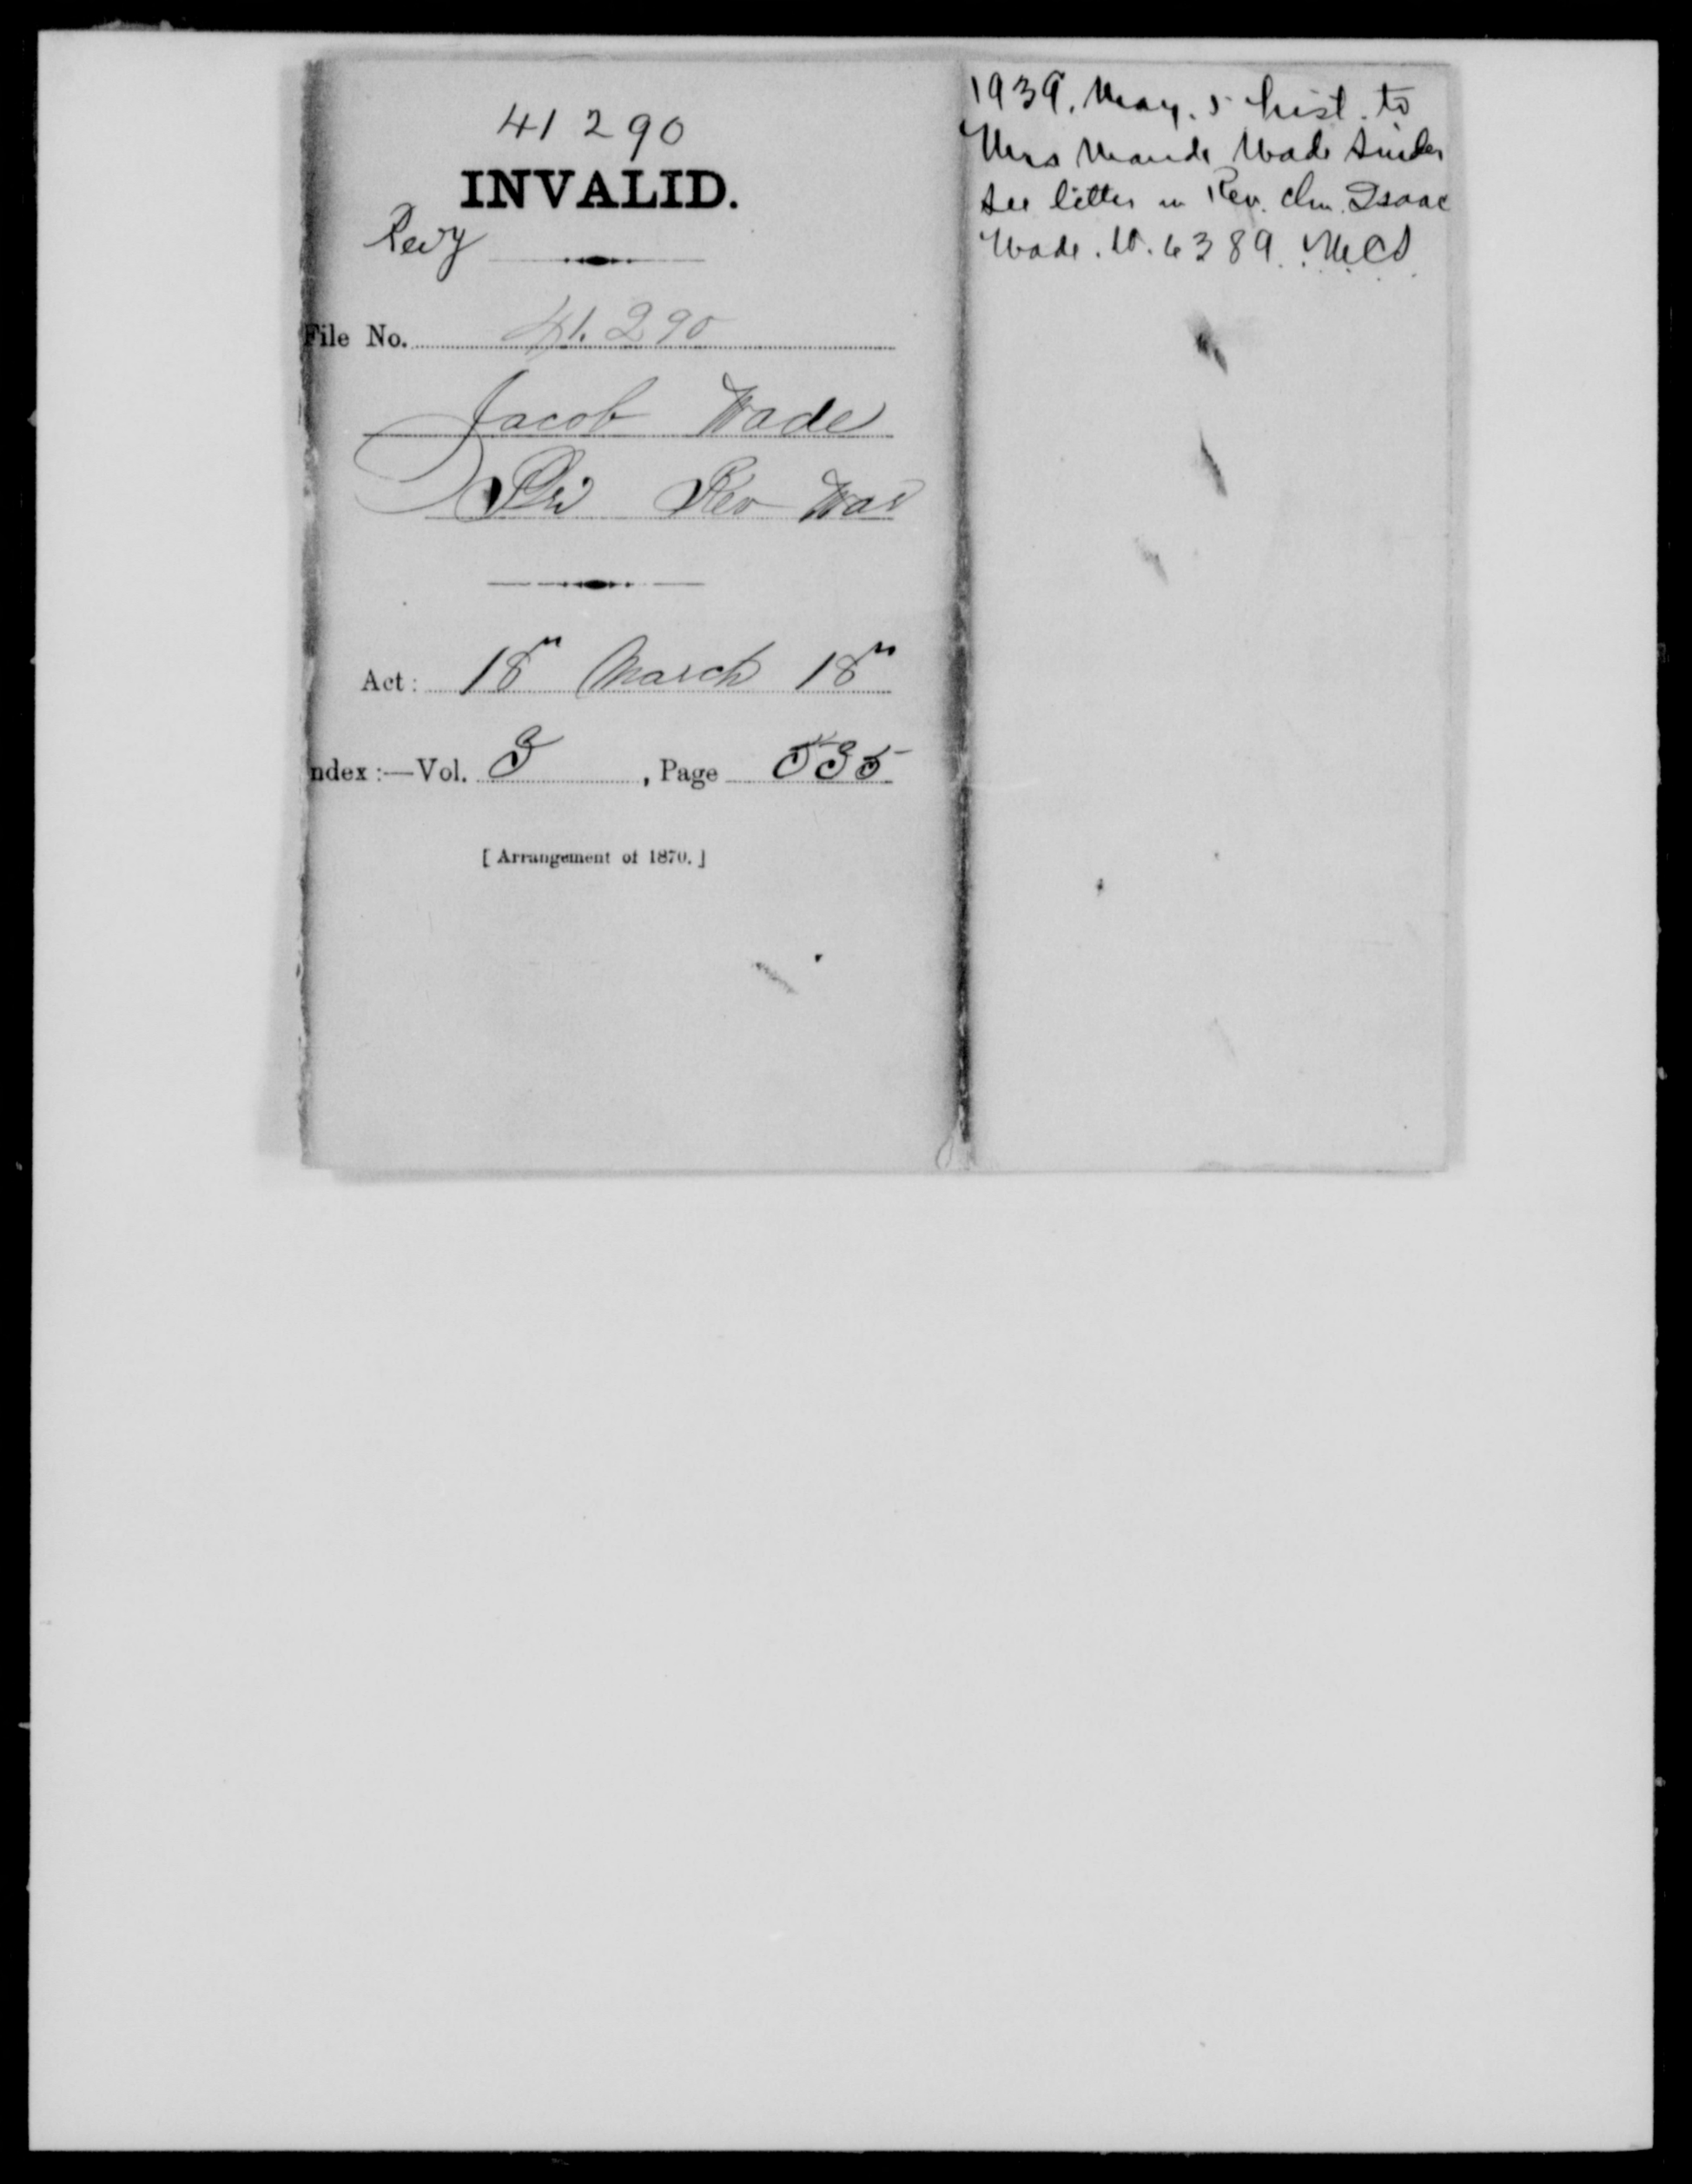41290

INVALID.

Revy

File No. 41290
Jacob Wade
Priv  Rev War

Act :  18"  March 18"

Index-Vol. 5, Page 535

[Arrangement of 1870.]


[right half of page]

1939, May 5.  hist to Mrs Maude Wade Saidler See letter in Rev. Clm Isaac Wade. W.6389. MCS.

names: Isaac Wade, Jacob Wade, Maude Wade Snider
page: 8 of 10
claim: survivor's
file: S. 41290, Jacob Wade, Va.